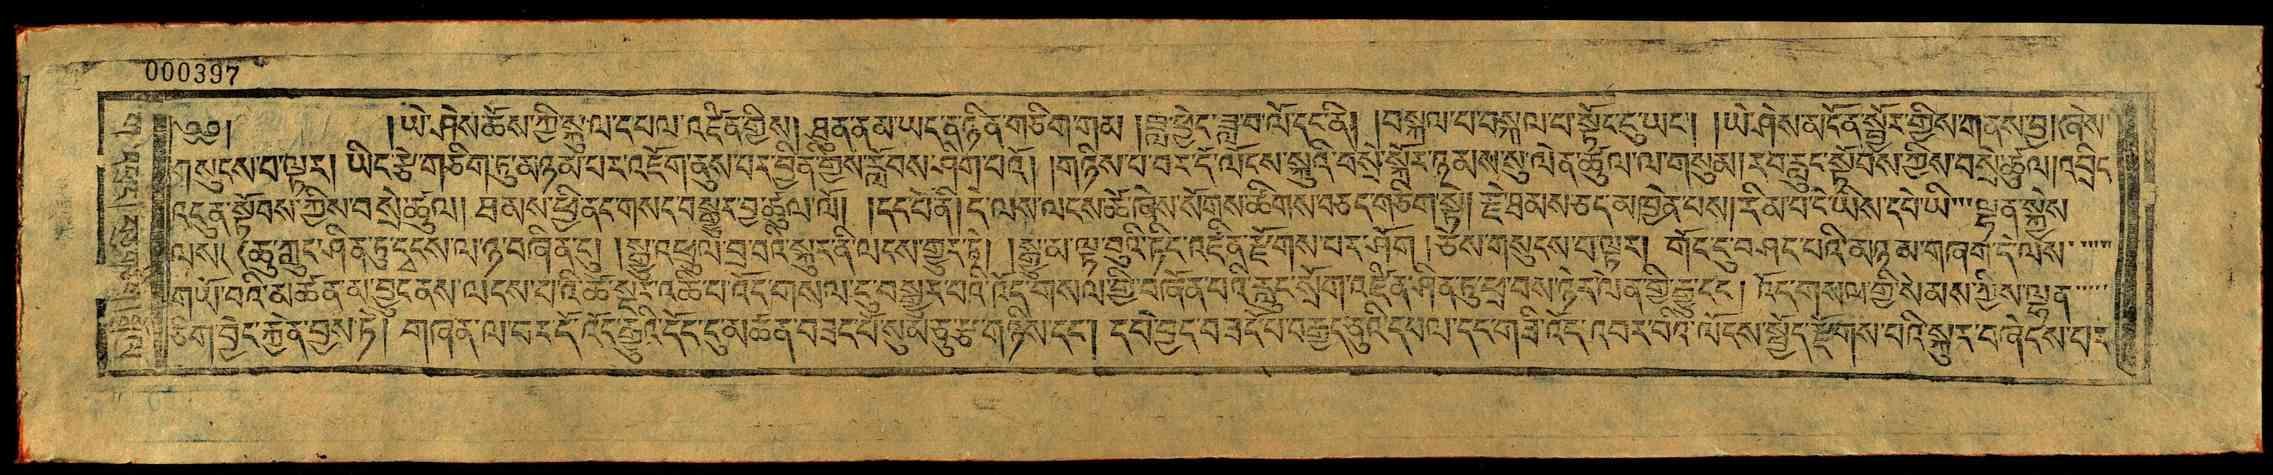༄༅། །ཡེ་ཤེས་ཆོས་ཀྱི་སྐུ་ལ་དཔལ་འཛིན་གྱིས། ཐུན་ནམ་ཡང་ན་ཉིན་གཅིག་གམ། །ཟླ་ཕྱེད་ཟླ་བ་ལོ་དང་ནི། །བསྐལ་པ་བསྐལ་པ་སྟོང་དུ་ཡང་། །ཡེ་ཤེས་མངོན་སྦྱོར་གྱིས་གནས་བྱ། ཞེས་
གསུངས་པ་ལྟར། ཡིད་རྩེ་གཅིག་ཏུ་མཉམ་པར་འཇོག་ནུས་པར་བྱིན་གྱིས་རློབས་ཤིག་པའོ། །གཉིས་པ་བར་དོ་ལོངས་སྐུའི་བསྲེ་སྐོར་ཉམས་སུ་ལེན་ཚུལ་ལ་གསུམ། རབ་རླུང་སྟོབས་ཀྱིས་བསྲེ་ཚུལ། འབྲིང་
འདུན་སྟོབས་ཀྱིས་བསྲེ་ཚུལ། ཐ་མས་ཕྱི་ནང་གསང་བསྒྱུར་བྱ་ཚུལ་ལོ། །དང་པོ་ནི། དེ་ལས་ལངས་ཚེ་ཞེས་སོགས་ཚིགས་བཅད་གཅིག་སྟེ། རྗེ་ཐམས་ཅད་མཁྱེན་པས། རིམ་པ་དེ་ཡིས་དཔེ་ཡི་ལྷན་སྐྱེས་
ལས། །ཆུ་ཀླུང་ཤིན་ཏུ་དྭངས་ལ་ཉ་བཞིན་དུ། །སྒྱུ་འཕྲུལ་དྲ་བའི་སྐུར་ནི་ལངས་གྱུར་ཏེ། །སྒྱུ་མ་ལྟ་བུའི་ཏིང་འཛིན་རྫོགས་པར་ཤོག །ཅེས་གསུངས་པ་ལྟར། གོང་དུ་བཤད་པའི་མཉམ་གཞག་དེ་ལས་
གཡོ་བའི་མཚན་མ་བྱུང་ནས་ལངས་པའི་ཚེ་སྔར་འཆི་བ་འོད་གསལ་དུ་བསྒྱུར་བའི་འོད་གསལ་དུ་བསྒྱུར་བའི་འོད་གསལ་གྱི་བཞོན་པའི་རླུང་སྲོག་འཛིན་ཤིན་ཏུ་ཕྲ་བས་ཉེར་ལེན་གྱི་རྒྱུ་དང་། འོད་གསལ་གྱི་སེམས་ཀྱིས་ལྷན་
ཅིག་བྱེད་རྐྱེན་བྱས་ཏེ། གཞན་ལ་བར་དོ་འོད་རྒྱུའི་དོད་དུ་མཚན་བཟང་པོ་སུམ་ཅུ་རྩ་གཉིས་དང་། དཔེ་བྱད་བཟང་པོ་བརྒྱད་ཅུའི་དཔལ་དང་གཟི་འོད་འབར་བའི་ལོངས་སྤྱོད་རྫོགས་པའི་སྐུར་བཞེངས་པར་